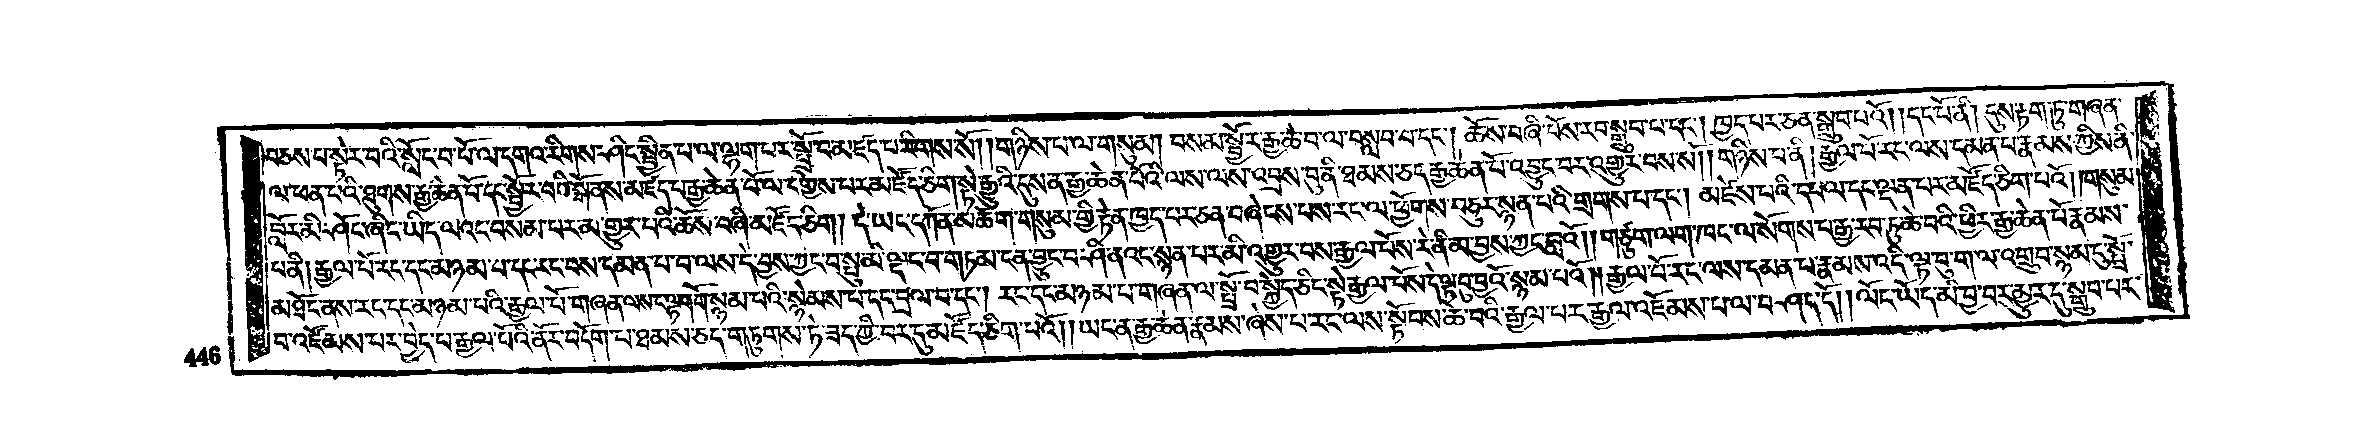བཅས་པ་སྟེར་བའི་སློང་བ་པོ་ལ་དགའ་རིགས་ཤིང་སྦྱིན་པ་ལ་ལྷག་པར་སྤྲོ་བ་མཛད་པ་རིགས་སོ། །གཉིས་པ་ལ་གསུམ། བསམ་སྦྱོར་རྒྱ་ཆེ་བ་ལ་བསླབ་པ་དང་། ཆོས་བཞི་པོས་རབ་སྒྲུབ་པ་དང་། ཁྱད་པར་ཅན་སྒྲུབ་པའོ། །དང་པོ་ནི། དུས་རྟག་ཏུ་གཞན་
ལ་ཕན་པའི་ཐུགས་རྒྱ་ཆེན་པོ་དང་སྦྱོར་བའི་སྒོ་ནས་མཛད་པ་རྒྱ་ཆེན་པོ་ལ་དགྱེས་པར་མཛོད་ཅིག་སྟེ་རྒྱུའི་དུས་ན་རྒྱ་ཆེན་པོའི་ལས་ལས་འབྲས་བུ་ནི་ཐམས་ཅད་རྒྱ་ཆེན་པོ་འབྱུང་བར་འགྱུར་བས་སོ། །གཉིས་པ་ནི། རྒྱལ་པོ་རང་ལས་དམན་པ་རྣམས་ཀྱིས་ནི་
བློར་མི་ཤོང་ཞིང་ཡིད་ལའང་བསམ་པར་མ་གྱུར་པའི་ཆོས་བཞི་མཛོད་ཅིག །དེ་ཡང་དཀོན་མཆོག་གསུམ་གྱི་རྟེན་ཁྱད་པར་ཅན་བཞེངས་པས་རང་ལ་ཕྱོགས་བཅུར་སྙན་པའི་གྲགས་པ་དང་། མཛེས་པའི་དཔལ་དང་ལྡན་པར་མཛོད་ཅིག་པའོ། །གསུམ་
པ་ནི། རྒྱལ་པོ་རང་དང་མཉམ་པ་དང་རང་བས་དམན་པ་བ་ལས་དེ་བྱས་ཀྱང་བ་སྤུ་མི་ལྡང་བ་གཏམ་ངན་བྱུང་བ་ཤི་ནའང་སྙན་པར་མི་འགྱུར་བས་རྒྱལ་པོས་རེ་ནི་མ་བྱས་ཀྱང་བླའོ། །གཙུག་ལག་ཁང་ལ་སོགས་པ་རྒྱ་རབ་ཏུ་ཆེ་བའི་ཕྱིར་རྒྱ་ཆེན་པོ་རྣམས་
མཐོང་ནས་རང་དང་མཉམ་པའི་རྒྱལ་པོ་གཞན་ལས་ང་ལྷག་གོ་སྙམ་པའི་སྙེམས་པ་དང་བྲལ་བ་དང་། རང་དང་མཉམ་པ་གཞན་ལ་སྤྲོ་བ་སྐྱེད་ཅིང་སྟེ་རྒྱལ་པོས་དེ་ལྟ་བུ་བྱའོ་སྙམ་པའོ། །རྒྱལ་པོ་རང་ལས་དམན་པ་རྣམས་འདི་ལྟ་བུ་ག་ལ་འགྲུབ་སྙམ་དུ་སྤྲོ་
བ་འཛོམས་པར་བྱེད་པ་རྒྱལ་པོའི་ནོར་བདོག་པ་ཐམས་ཅད་གཏུགས་ཏེ་ཟད་ཀྱི་བར་དུ་མཛོད་ཅིག་པའོ། །ཡང་ན་རྒྱ་ཆེན་རྣམས་ཞེས་པ་རང་ལས་སྟོབས་ཆེ་བའི་རྒྱལ་པར་རྒྱལ་འཇོམས་པ་ལ་བཤད་དོ། །ལོང་ཡོད་མི་བྱ་བར་མྱུར་དུ་སྒྲུབ་པར་